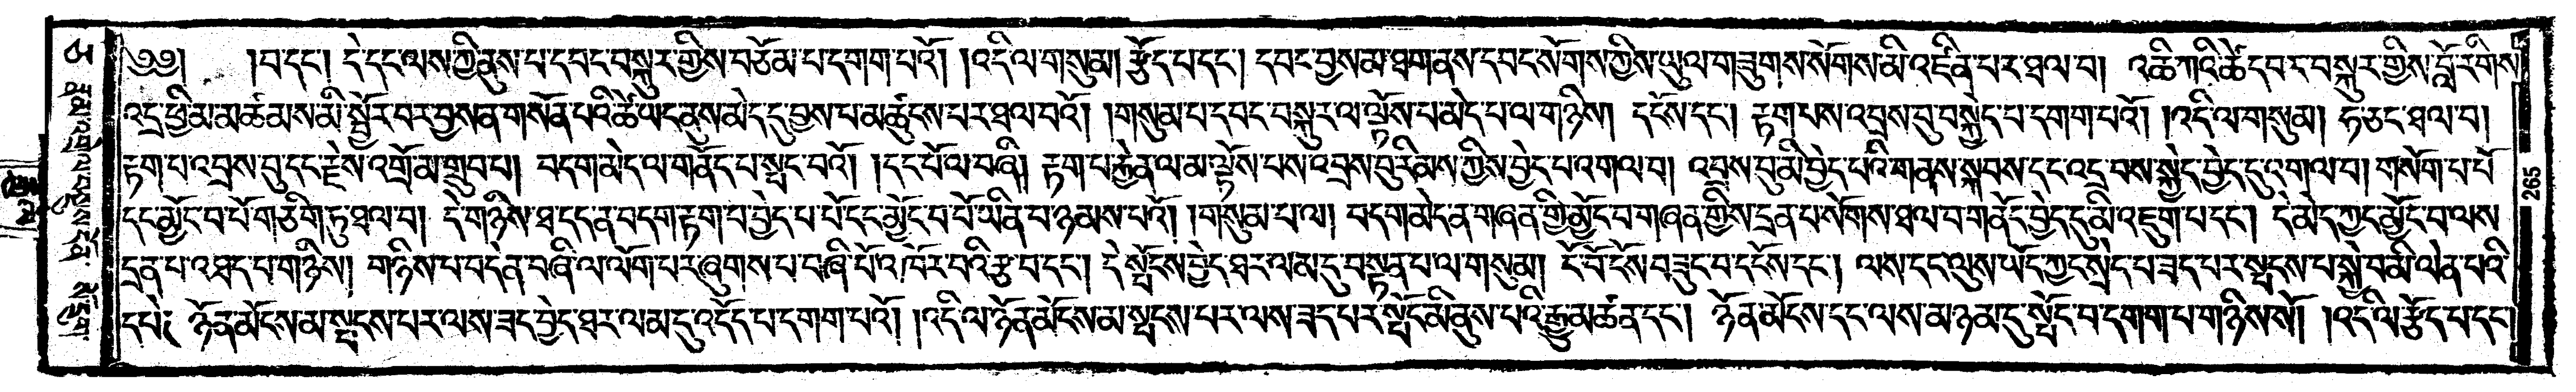༄༅། །བ་དང་། དེ་དང་ལས་ཀྱི་ནུས་པ་དབང་བསྐུར་གྱིས་བཅོམ་པ་དགག་པའོ། །འདི་ལ་གསུམ། རྩོད་པ་དང་། དབང་བྱས་མ་ཐག་ནས་དབང་སོགས་ཀྱིས་ཡུལ་གཟུགས་སོགས་མི་འཛིན་པར་ཐལ་བ། འཆི་ཀའི་ཚེ་དབང་བསྐུར་གྱིས་བློ་རིགས་
འདྲ་ཕྱི་མ་མཚམས་མི་སྦྱོར་བར་བྱས་ན་གསོན་པའི་ཚེ་ཡང་ནུས་མེད་དུ་བྱས་པ་མཚུངས་པར་ཐལ་བའོ། །གསུམ་པ་དབང་བསྐུར་ལ་ལྟོས་པ་མེད་པ་ལ་གཉིས། དངོས་དང་། རྟག་པས་འབྲས་བུ་བསྐྱེད་པ་དགག་པའོ། །འདི་ལ་གསུམ། ཧ་ཅང་ཐལ་བ།
རྟག་པ་འབྲས་བུ་དང་རྗེས་འགྲོ་མ་གྲུབ་པ། བདག་མེད་ལ་གནོད་པ་སྤང་བའོ། །དང་པོ་ལ་བཞི། རྟག་པ་རྐྱེན་ལ་མ་ལྟོས་པས་འབྲས་བུ་རིམས་ཀྱིས་བྱེད་པ་འགལ་བ། འབྲས་བུ་མི་བྱེད་པའི་གནས་སྐབས་དང་འདྲ་བས་སྐྱེད་བྱེད་དུ་འགལ་བ། གསོག་པ་པོ་
དང་མྱོང་བ་པོ་གཅིག་ཏུ་ཐལ་བ། དེ་གཉིས་ཐ་དད་ན་བདག་རྟག་པ་བྱེད་པ་པོ་དང་མྱོང་བ་པོ་ཡིན་པ་ཉམས་པའོ། །གསུམ་པ་ལ། བདག་མེད་ན་གཞན་གྱི་མྱོང་བ་གཞན་གྱིས་དྲན་པ་སོགས་ཐལ་བ་གནོད་བྱེད་དུ་མི་འཇུག་པ་དང་། དེ་མེད་ཀྱང་མྱོང་བ་ལས་
དྲན་པ་འཐད་པ་གཉིས། གཉིས་པ་བདེན་བཞི་ལ་ལོག་པར་ཞུགས་པ་བཞི་པོ་འཁོར་བའི་རྩ་བ་དང་། དེ་སྤོངས་བྱེད་ཐར་ལམ་དུ་བསྟན་པ་ལ་གསུམ། ངོ་བོ་ངོས་བཟུང་བ་དངོས་དང་། ལས་དང་ལུས་ཡོད་ཀྱང་སྲེད་པ་ཟད་པར་སྤངས་པ་སྐྱེ་བ་མི་ལེན་པའི་
དཔེ། ཉོན་མོངས་མ་སྤངས་པར་ལས་ཟད་བྱེད་ཐར་ལམ་དུ་འདོད་པ་དགག་པའོ། །འདི་ལ་ཉོན་མོངས་མ་སྤངས་པར་ལས་ཟད་པར་སྤོང་མི་ནུས་པའི་རྒྱུ་མཚན་དང་། ཉོན་མོངས་དང་ལས་མཉམ་དུ་སྤོང་བ་དགག་པ་གཉིས་སོ། །འདི་ལ་རྩོད་པ་དང་